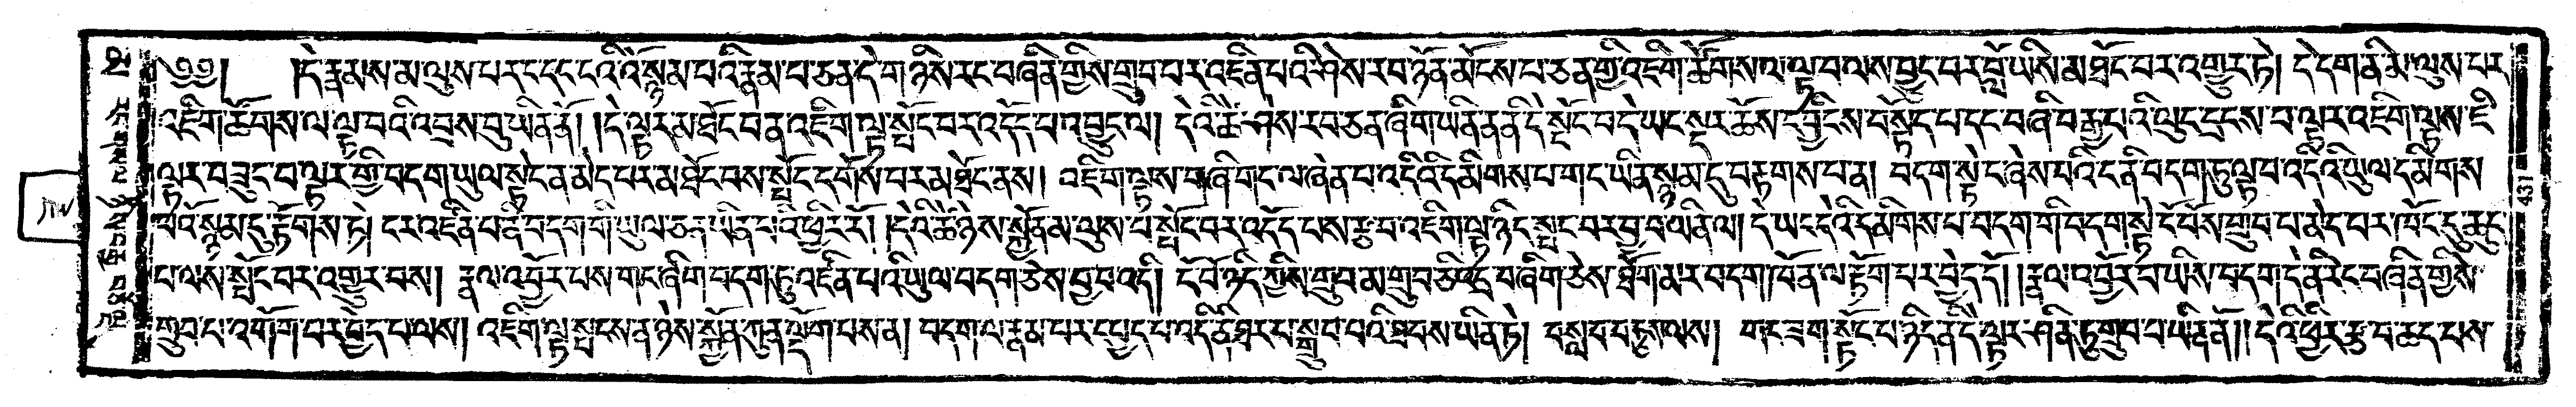༄༅། །དེ་རྣམས་མ་ལུས་པར་ང་དང་ངའི་འོ་སྙམ་པའི་རྣམ་པ་ཅན་དེ་གཉིས་རང་བཞིན་གྱིས་གྲུབ་པར་འཛིན་པའི་ཤེས་རབ་ཉོན་མོངས་པ་ཅན་གྱི་འཇིག་ཚོགས་ལ་ལྟ་བ་ལས་བྱུང་བར་བློ་ཡིས་མཐོང་བར་འགྱུར་ཏེ། དེ་དག་ནི་མ་ལུས་པར་
འཇིག་ཚོགས་ལ་ལྟ་བའི་འབྲས་བུ་ཡིན་ནོ། །དེ་ལྟར་མཐོང་བ་ན་འཇིག་ལྟ་སྤོང་བར་འདོད་པ་འབྱུང་ལ། དེའི་ཚེ་ཤེས་རབ་ཅན་ཞིག་ཡིན་ན་ནི་དེ་སྤོང་བ་དེ་ཡང་སྔར་ཆོས་དབྱིངས་བསྟོད་པ་དང་བཞི་བརྒྱ་པའི་ལུང་དྲངས་པ་ལྟར་འཇིག་ལྟས་ཇི་
ལྟར་བཟུང་བ་ལྟར་གྱི་བདག་ཡུལ་སྟེང་ན་མེད་པར་མཐོང་བས་སྤོང་དགོས་པར་མཐོང་ནས། འཇིག་ལྟས་གཞི་གང་ལ་ཞེན་པ་འདིའི་དམིགས་པ་གང་ཡིན་སྙམ་དུ་བརྟགས་པ་ན། བདག་སྟེ་ང་ཞེས་པའི་ང་ནི་བདག་ཏུ་ལྟ་བ་འདིའི་ཡུལ་དམིགས་
པའོ་སྙམ་དུ་རྟོགས་ཏེ། ངར་འཛིན་པ་ནི་བདག་གི་ཡུལ་ཅན་ཡིན་པའི་ཕྱིར་རོ། །དེའི་ཚེ་ཉེས་སྐྱོན་མ་ལུས་པ་སྤོང་བར་འདོད་པས་རྩ་བ་འཇིག་ལྟ་ཉིད་སྤང་བར་བྱ་བ་ཡིན་ལ། དེ་ཡང་དེའི་དམིགས་པ་བདག་གི་བདག་སྟེ་ངོ་བོས་གྲུབ་པ་མེད་པར་ཁོང་དུ་ཆུད་
པ་ལས་སྤོང་བར་འགྱུར་བས། རྣལ་འབྱོར་པས་གང་ཞིག་བདག་ཏུ་འཛིན་པའི་ཡུལ་བདག་ཅེས་བྱ་བ་འདི། ངོ་བོ་ཉིད་ཀྱིས་གྲུབ་མ་གྲུབ་ཅི་འདྲ་བ་ཞིག་ཅེས་ཐོག་མར་བདག་ཁོ་ན་ལ་རྟོག་པར་བྱེད་དོ། །རྣལ་འབྱོར་པ་ཡིས་བདག་དེ་ནི་རང་བཞིན་གྱིས་
གྲུབ་པ་འགོག་པར་བྱེད་པ་ལས། འཇིག་ལྟ་སྤངས་ན་ཉེས་སྐྱོན་ཀུན་ལྡོག་པས་ན། བདག་ལ་རྣམ་པར་དཔྱད་པ་འདི་ནི་ཐར་པ་སྒྲུབ་པའི་ཐབས་ཡིན་ཏེ། བསླབ་བཏུས་ལས། གང་ཟག་སྟོང་པ་ཉིད་ནི་དེ་ལྟར་ཤིན་ཏུ་གྲུབ་པ་ཡིན་ན། །དེའི་ཕྱིར་རྩ་བ་ཆད་པས་